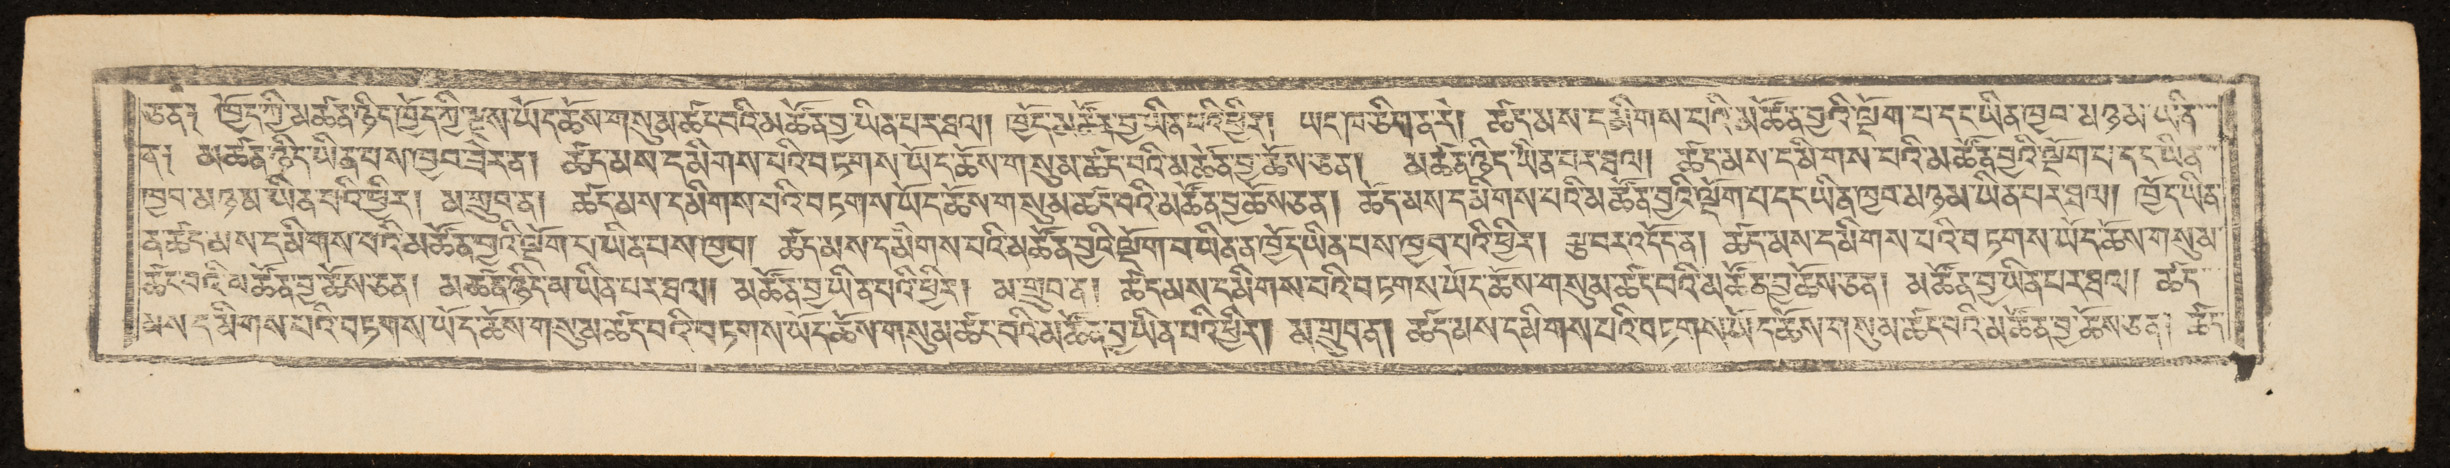ཅན། ཁྱོད་ཀྱི་མཚན་ཉིད་ཁྱོད་ཀྱི་རྫས་ཡོད་ཆོས་གསུམ་ཚང་བའི་མཚོན་བྱ་ཡིན་པར་ཐལ། ཁྱོད་མཚོན་བྱ་ཡིན་པའི་ཕྱིར། ཡང་ཁ་ཅིག་ན་རེ། ཚད་མས་དམིགས་པའི་མཚོན་བྱའི་ལྡོག་པ་དང་ཡིན་ཁྱབ་མཉམ་ཡིན་
ན། མཚན་ཉིད་ཡིན་པས་ཁྱབ་ཟེར་ན། ཚད་མས་དམིགས་པའི་བཏགས་ཡོད་ཆོས་གསུམ་ཚང་བའི་མཚོན་བྱ་ཆོས་ཅན། མཚན་ཉིད་ཡིན་པར་ཐལ། ཚད་མས་དམིགས་པའི་མཚོན་བྱའི་ལྡོག་པ་དང་ཡིན་
ཁྱབ་མཉམ་ཡིན་པའི་ཕྱིར། མ་གྲུབ་ན། ཚད་མས་དམིགས་པའི་བཏགས་ཡོད་ཆོས་གསུམ་ཚང་བའི་མཚོན་བྱ་ཆོས་ཅན། ཚད་མས་དམིགས་པའི་མཚོན་བྱའི་ལྡོག་པ་དང་ཡིན་ཁྱབ་མཉམ་ཡིན་པར་ཐལ། ཁྱོད་ཡིན་
ན་ཚད་མས་དམིགས་པའི་མཚོན་བྱའི་ལྡོག་པ་ཡིན་པས་ཁྱབ། ཚད་མས་དམིགས་པའི་མཚོན་བྱའི་ལྡོག་པ་ཡིན་ན་ཁྱོད་ཡིན་པས་ཁྱབ་པའི་ཕྱིར། རྩ་བར་འདོད་ན། ཚད་མས་དམིགས་པའི་བཏགས་ཡོད་ཆོས་གསུམ་
ཚང་བའི་མཚོན་བྱ་ཆོས་ཅན། མཚན་ཉིད་མ་ཡིན་པར་ཐལ། མཚོན་བྱ་ཡིན་པའི་ཕྱིར། མ་གྲུབ་ན། ཚད་མས་དམིགས་པའི་བཏགས་ཡོད་ཆོས་གསུམ་ཚང་བའི་མཚོན་བྱ་ཆོས་ཅན། མཚོན་བྱ་ཡིན་པར་ཐལ། ཚད་
མས་དམིགས་པའི་བཏགས་ཡོད་ཆོས་གསུམ་ཚང་བའི་བཏགས་ཡོད་ཆོས་གསུམ་ཚང་བའི་མཚོན་བྱ་ཡིན་པའི་ཕྱིར། མ་གྲུབ་ན། ཚད་མས་དམིགས་པའི་བཏགས་ཡོད་ཆོས་གསུམ་ཚང་བའི་མཚོན་བྱ་ཆོས་ཅན། ཚད་